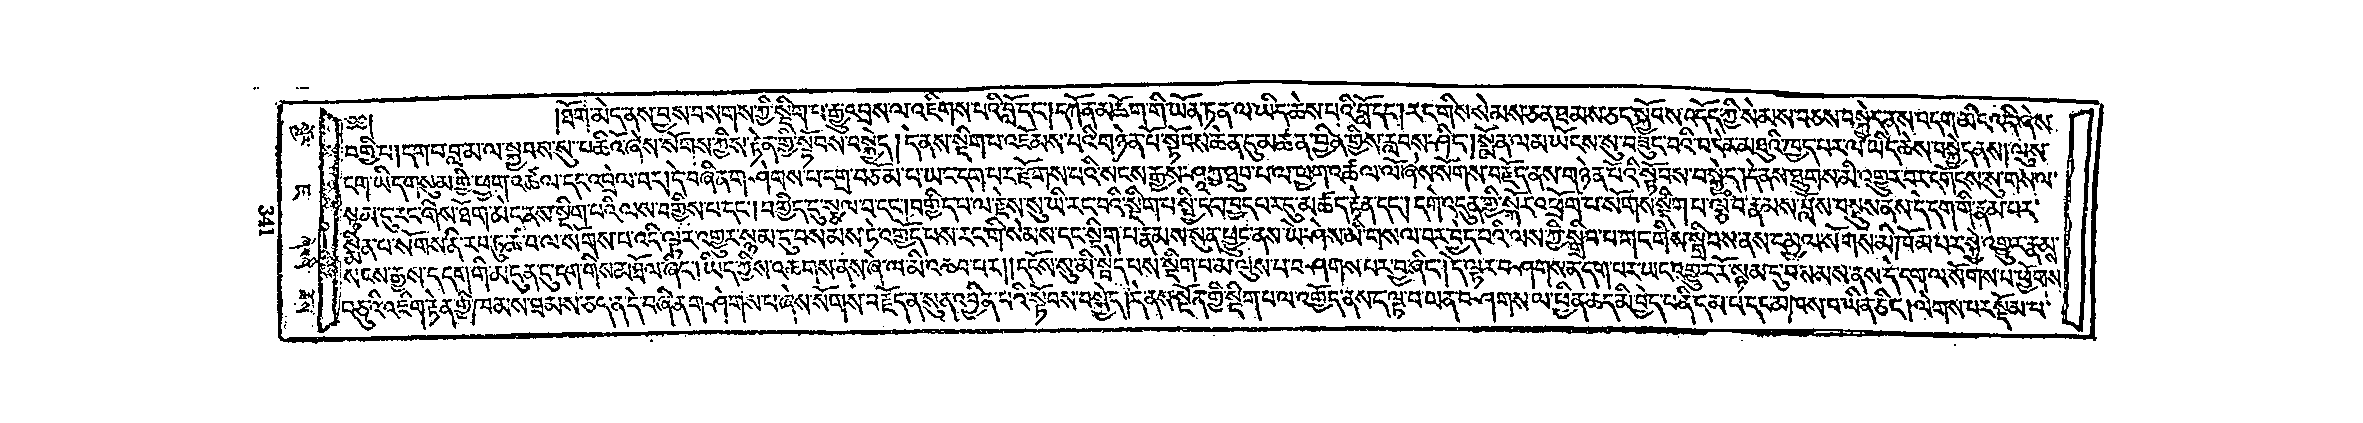༄༅། །ཐོག་མེད་ནས་བྱས་བསགས་ཀྱི་སྡིག་པ་རྒྱུ་འབྲས་ལ་འཇིགས་པའི་བློ་དང་། དཀོན་མཆོག་གི་ཡོན་ཏན་ལ་ཡིད་ཆེས་པའི་བློ་དང་། རང་གིས་སེམས་ཅན་ཐམས་ཅད་སྐྱོབས་འདོད་ཀྱི་སེམས་བཅས་བསྐྱེད་ནས་བདག་མིང་འདི་ཞེས་
བགྱི་པ། དག་པ་བླ་མ་ལ་སྐྱབས་སུ་མཆིའོ་ཞེས་སོགས་ཀྱིས་རྟེན་གྱི་སྟོབས་བསྐྱེད། དེ་ནས་སྡིག་པ་འཇོམས་པའི་གཉེན་པོ་སྟོབས་ཆེན་དུ་མཚན་བྱིན་གྱིས་རླབས་ཤིང་། སྨོན་ལམ་ཡོངས་སུ་བཟུང་བའི་བདེན་མཐུའི་ཁྱད་པར་ལ་ཡིད་ཆེས་བསྐྱེད་ནས། ལུས་
ངག་ཡིད་གསུམ་གྱི་ཕྱག་འཚལ་དང་འབྲེལ་བར། དེ་བཞིན་གཤེགས་པ་དགྲ་བཅོམ་པ་ཡང་དག་པར་རྫོགས་པའི་སངས་རྒྱས་ཤཱཀྱ་ཐུབ་པ་ལ་ཕྱག་འཚལ་ལོ་ཞེས་སོགས་བརྗོད་ནས་གཉེན་པོའི་སྟོབས་བསྐྱེད། དེ་ནས་ཐུགས་མི་འགྱུར་བར་དགོངས་སུ་གསལ་
སྙམ་དུ་རང་གིས་ཐོག་མེད་ནས་སྡིག་པའི་ལས་བགྱིས་པ་དང་། བགྱིད་དུ་སྩལ་བ་དང་། བགྱིད་པ་ལ་རྗེས་སུ་ཡི་རང་བའི་སྡིག་པ་སྤྱི་དང་ཁྱད་པར་དུ་མཆོད་རྟེན་དང་། དགེ་འདུན་གྱི་སྐོར་འཕྲོག་པ་སོགས་སྡིག་པ་ལྕི་བ་རྣམས་བློས་བསྡུས་ནས་དེ་དག་གི་རྣམ་པར་
སྨིན་པ་སོགས་ནི་རབ་ཏུ་ཚ་བ་ལ་སོགས་པ་འདི་ལྟར་འགྱུར་སྙམ་དུ་བསམས་ཏེ་འགྱོད་པས་རང་གི་སེམས་དང་སྡིག་པ་རྣམས་སུན་ཕྱུང་ནས་ཡེ་ཤེས་མི་གསལ་བར་བྱེད་པའི་ལས་ཀྱི་སྒྲིབ་པ་གང་གིས་སྒྲིབས་ནས་དམྱལ་སོགས་མི་ཁོམ་པར་སྐྱེ་འགྱུར་རྣམས་
སངས་རྒྱས་ད་དག་གི་མདུན་དུ་དག་གིས་མཐོལ་ཞིང་། ཡིད་ཀྱིས་འཆགས་ནས་ཞེ་ལ་མི་འཆབ་པར། །དངོས་སུ་མི་སྦེད་པས་སྡིག་པ་མ་ལུས་པ་བཤགས་པར་བྱ་ཞིང་། དེ་ལྟར་བཤགས་ན་དག་པར་ཡང་འགྱུར་རོ་སྙམ་དུ་བསམས་ནས་དེ་དག་ལ་སོགས་པ་ཕྱོགས་
བཅུའི་འཇིག་རྟེན་གྱི་ཁམས་ཐམས་ཅད་ན་དེ་བཞིན་གཤེགས་པ་ཞེས་སོགས་བརྗོད་ན་སུན་འབྱིན་པའི་སྟོབས་བསྐྱེད། དེ་ནས་སྔོན་གྱི་སྡིག་པ་ལ་འགྱོད་ནས་ད་ལྟ་བ་ཡན་བཤགས་ལ་ཕྱིན་ཆད་མི་བྱེད་པ་ནི་དམ་པ་དང་མཁས་པ་ཡིན་ཅིང་། ལེགས་པར་སྡོམ་པ་